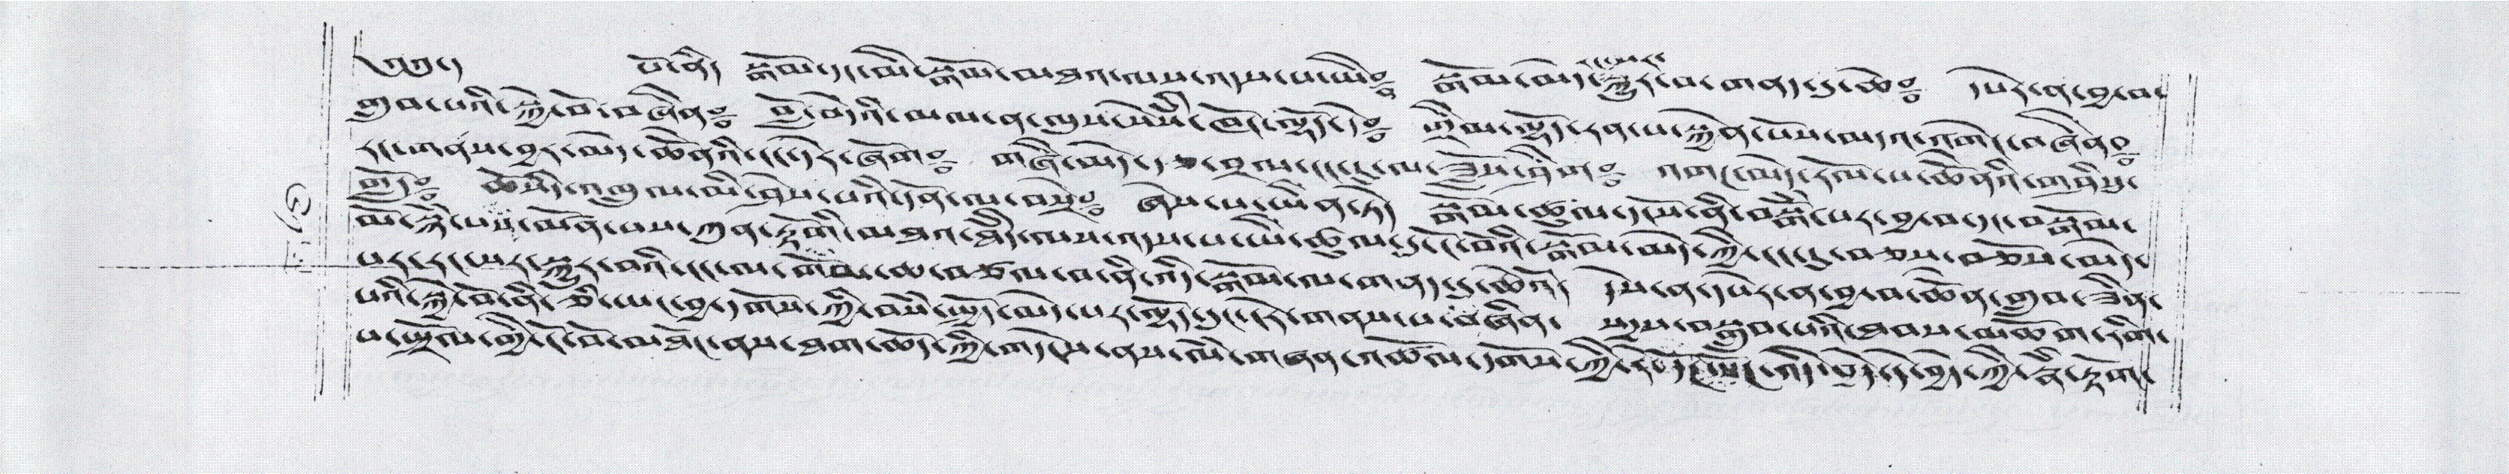པོ་ནི། སྒོམ་དང་མི་སྒོམ་མཐའ་ལས་འདས་པ་ཡིཿ སྒོམ་མེད་རང་སར་བསྐྱུར་བ་གནད་དུ་ཆེཿ དཔེར་ན་བྱ་བ་
གྲུབ་པའི་སྐྱེ་བོ་བཞིན། བློ་བདེའི་མལ་ན་ལུས་སེམས་ཁོང་ལྷོད་དེཿ གྲིམ་ལྷོད་རན་པ་སྐྱེན་པོས་མདའ་འགེངས་བཞིན། 
རང་གནས་བྱར་མེད་ཆེན་པོའི་ངང་དེར་ཞོགཿ གཞི་མེད་རྩ་བྲལ་ངང་དུ་ལ་ཟློས་ཤིགཿ འགག་མེད་རོལ་པ་ཆེན་པོའི་གཤིས་སུ་
གློདཿ ཆོས་ཉིད་འཁྲུལ་མི་སྲིད་པའི་དོན་ལ་བསྲེཿ ཞེས་པ་ཡིན་ནི། སྒོམ་ཚུལ་དངོས་ནི་བསྒོམ་པར་བྱ་བ་དང་། བསྒོམ་
མོ་སྙམ་པས་མཚོན་པས་ཀུན་རྟོག་གི་མཐའ་ཐམས་ཅད་ལས་འདས་པ་ཡི་ཚུལ་དུ་ངོ་བོའི་སྒོམ་མེད་ཀྱི་ངང་དུ་བཅས་བཅོས་མེད་
པར་རང་སར་བསྐྱུར་བའི་ངང་ལ་གོམས་ཆ་བཙལ་བ་ནི་འདི་སྒོམ་ལ་གནད་དུ་ཆེའོ། དེས་ན་དཔེར་ན་བྱ་བ་ཆེན་པོ་གྲུབ་ཟིན་
པའི་སྐྱེ་བོ་ནི། ཅི་ཡང་བྱ་དགོས་ཀྱི་བསམ་སྤྱོད་མེད་པར་ལྷོད་དུང་ངེར་གནས་པ་བཞིན། སངས་རྒྱས་བསྒྲུབ་པའི་ཐབས་མཆོག་རིག་
པ་སྤྲོས་བྲལ་གྱི་ངོ་བོ་མཐོང་ནས་ཐག་ཆོད་ཀྱི་གདེངས་ནས་ལམ་གཞན་འཚོལ་དགོས་ཀྱི་རེ་དྭོགས་འདི་བྱེད་དེ་བྱེད་ཀྱི་རྣམ་རྟོག་